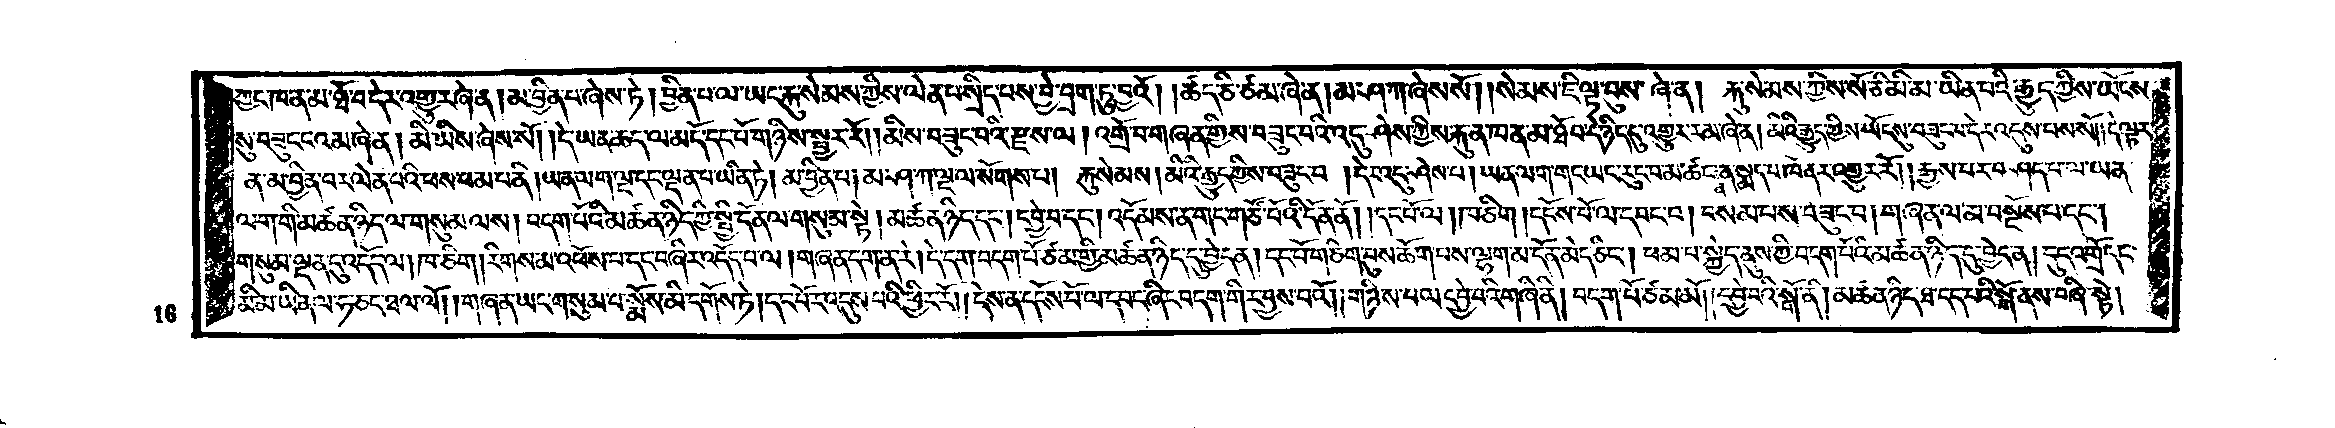ཀྱང་ཁ་ན་མ་ཐོ་བ་དེར་འགྱུར་ཞེ་ན། མ་བྱིན་པ་ཞེས་ཏེ། བྱིན་པ་ལ་ཡང་རྐུ་སེམས་ཀྱིས་ལེན་པ་སྲིད་པས་བྱེ་བྲག་ཏུ་བྱའོ། །ཚད་ཅི་ཙམ་ཞེ་ན། མ་ཤ་ཀ་ཞེས་སོ། །སེམས་ཇི་ལྟ་བུས་ཞེ་ན། རྐུ་སེམས་ཀྱིས་སོ་ཅི་མི་མ་ཡིན་པའི་རྒྱུད་ཀྱིས་ཡོངས་
སུ་བཟུང་བའམ་ཞེ་ན། མི་ཡིས་ཞེས་སོ། །དེ་ཡན་ཆད་ལ་མདོ་དང་པོ་གཉིས་སྦྱར་རོ། །མིས་བཟུང་བའི་རྫས་ལ། འགྲོ་བ་གཞན་གྱིས་བཟུང་བའི་འདུ་ཤེས་ཀྱིས་རྐུ་ན་ཁ་ན་མ་ཐོ་བ་དེ་ཉིད་དུ་འགྱུར་རམ་ཞེ་ན། མིའི་རྒྱུད་ཀྱིས་ཡོངས་སུ་བཟུང་བ་དེར་འདུས་པས་སོ། །དེ་ལྟར་
ན་མ་བྱིན་པར་ལེན་པའི་ཕས་ཕམ་པ་ནི། ཡན་ལག་ལྔ་དང་ལྡན་པ་ཡིན་ཏེ། མ་བྱིན་པ། མ་ཤ་ཀ་ལྔ་ལ་སོགས་པ། རྐུ་སེམས། མིའི་རྒྱུད་ཀྱིས་བཟུང་བ། དེར་འདུ་ཤེས་པ། ཡན་ལག་གང་ཡང་རུང་བ་མ་ཚང་ན་ན་སྨད་པ་ཁོ་ནར་འགྱུར་རོ། །རྒྱས་པར་བཤད་པ་ལ་ཡན་
ལག་གི་མཚན་ཉིད་ལ་གསུམ་ལས། བདག་པོའི་མཚན་ཉིད་ཀྱི་སྤྱི་དོན་ལ་གསུམ་སྟེ། མཚན་ཉིད་དང་། དབྱེ་བ་དང་། འདོམས་ན་གང་གཙོ་བོའི་དོན་ནོ། །དང་པོ་ལ། ཁ་ཅིག །དངོས་པོ་ལ་དབང་བ། བསམ་པས་བཟུང་བ། གཞན་ལ་མ་བསྔོས་པ་དང་།
གསུམ་ལྡན་དུ་འདོད་ལ། ཁ་ཅིག །རིགས་མ་འཕོས་པ་དང་བཞིར་འདོད་པ་ལ། གཞན་དག་ན་རེ། དེ་དག་བདག་པོ་ཙམ་གྱི་མཚན་ཉིད་དུ་བྱེད་ན། དང་པོ་གཅིག་པུས་ཆོག་པས་ལྷག་མ་དོན་མེད་ཅིང་། ཕམ་པ་སྐྱེད་ནུས་ཀྱི་བདག་པོའི་མཚན་ཉིད་དུ་བྱེད་ན། དུད་འཕྲོ་དང་
མི་མ་ཡིན་ལ་ཧ་ཅང་ཐལ་ལོ། །གཞན་ཡང་གསུམ་པ་སྨོས་མི་དགོས་ཏེ། དང་པོར་འདུས་པའི་ཕྱིར་རོ། །དེས་ན་དངོས་པོ་ལ་དབང་ཞིང་བདག་གིར་བྱས་པའོ། །གཉིས་པ་ལ་དབྱེ་བའི་གཞི་ནི། བདག་པོ་ཙམ་མོ། །དབྱེ་བའི་སྒོ་ནི། མཚན་ཉིད་ཐ་དད་པའི་སྒོ་ནས་བཞི་སྟེ།